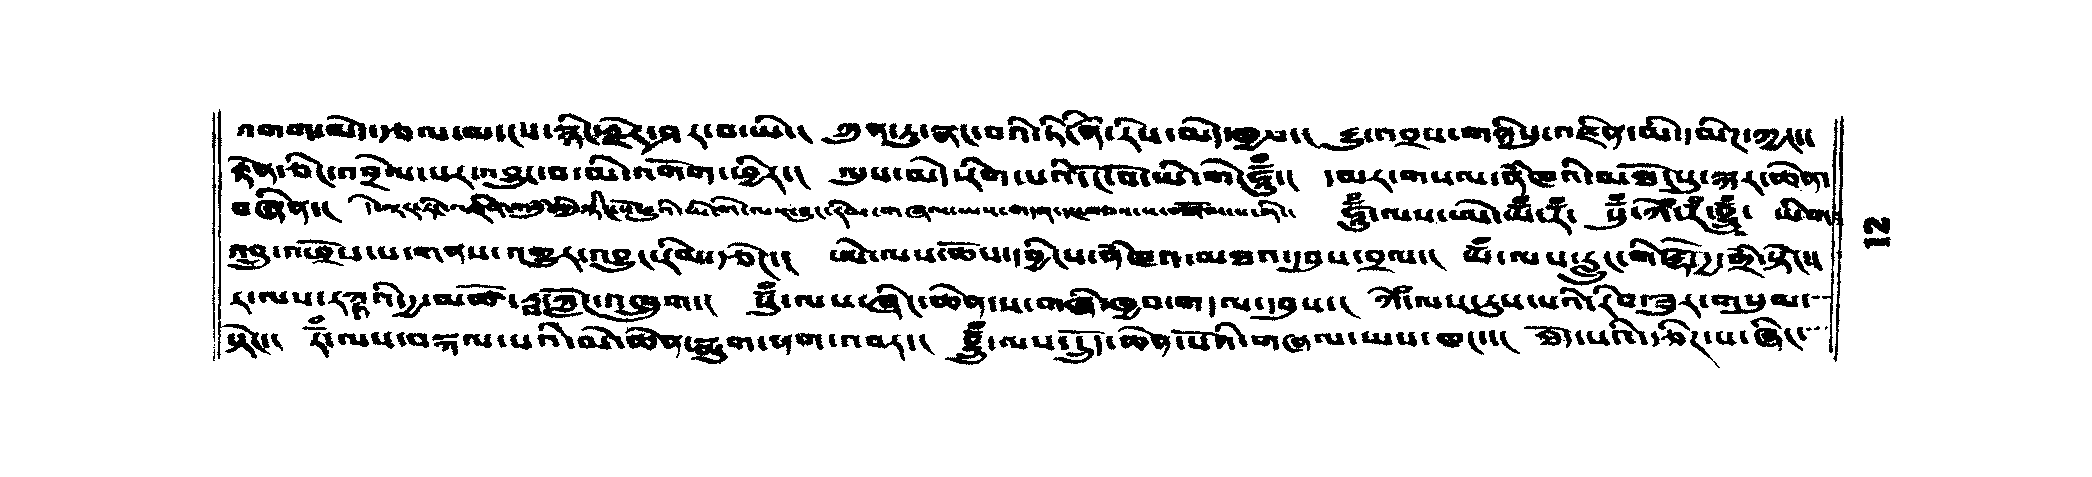འགག་མེད་རྩལ་མདངས་སྙིང་རྗེར་ཤར་བ་ཡི། །ཀུན་ཏུ་སྣང་བའི་ཏིང་འཛིན་རིས་མེད་འཁྱམས། །རྒྱུ་འབྲས་གཉིས་སུ་འཛིན་པ་མི་དམིགས་ཀྱང་། 
རྟེན་ཅིང་འབྲེལ་པར་འབྱུང་བ་མི་འགོག་ཕྱིར། །ལུས་མེད་རིག་པའི་ངོ་བོ་ཡི་གེ་ཧཱུྃ། །དམར་གསལ་ནམ་མཁའི་མཐོངས་སུ་སྐར་ཆེན་
བཞིན། ། དེ་ལྟར་ཏིང་འཛིན་གསུམ་གྱི་སྙིང་པོ་རྒྱུའི་ཡི་གེ་ལས་བྱུང་རིམ་གཞལ་ཡས་གདན་དང་བཅས་པ་བསྒོམ་པ་ནི། ཧཱུྃ་ལས་ཨེ་ཡྃ་རྃ་སུྃ་ཀེཾ་རྃ་སུྃ་ཀེཾ་རྃ་བྷུྃ། ཡིག་
འབྲུ་འཕྲོས་པ་གནས་འགྱུར་འབྱུང་རིམ་རྩེགས། །ཨེ་ལས་ཆོས་དབྱིངས་ནམ་མཁའ་མཐའ་དབུས་བྲལ། །ཨྃ་ལས་རླུང་གི་རྡོ་རྗེ་རྒྱ་གྲམ་སྟེང་། །
ར་ལས་རཀྟའི་རྒྱ་མཚོ་རྦ་ཀློང་འཁྲུག་སུྃ་ལས་ཞིང་ཆེན་ས་གཞི་ཁྱབ་གདལ་དབུས། །ཀེཾ་ལས་རུས་པའི་རི་རབ་ཟུར་གསུམ་
སྟེང་། །རྂ་ལས་བསྐལ་པའི་མེ་ཆེན་སྨུག་ནག་འབར། ། བྷུྂ་ལས་དུར་ཁྲོད་ཆེན་པོའི་གཞལ་ཡས་ཁང་། །ཐོད་པའི་རྩིགས་པ་ཞིང་